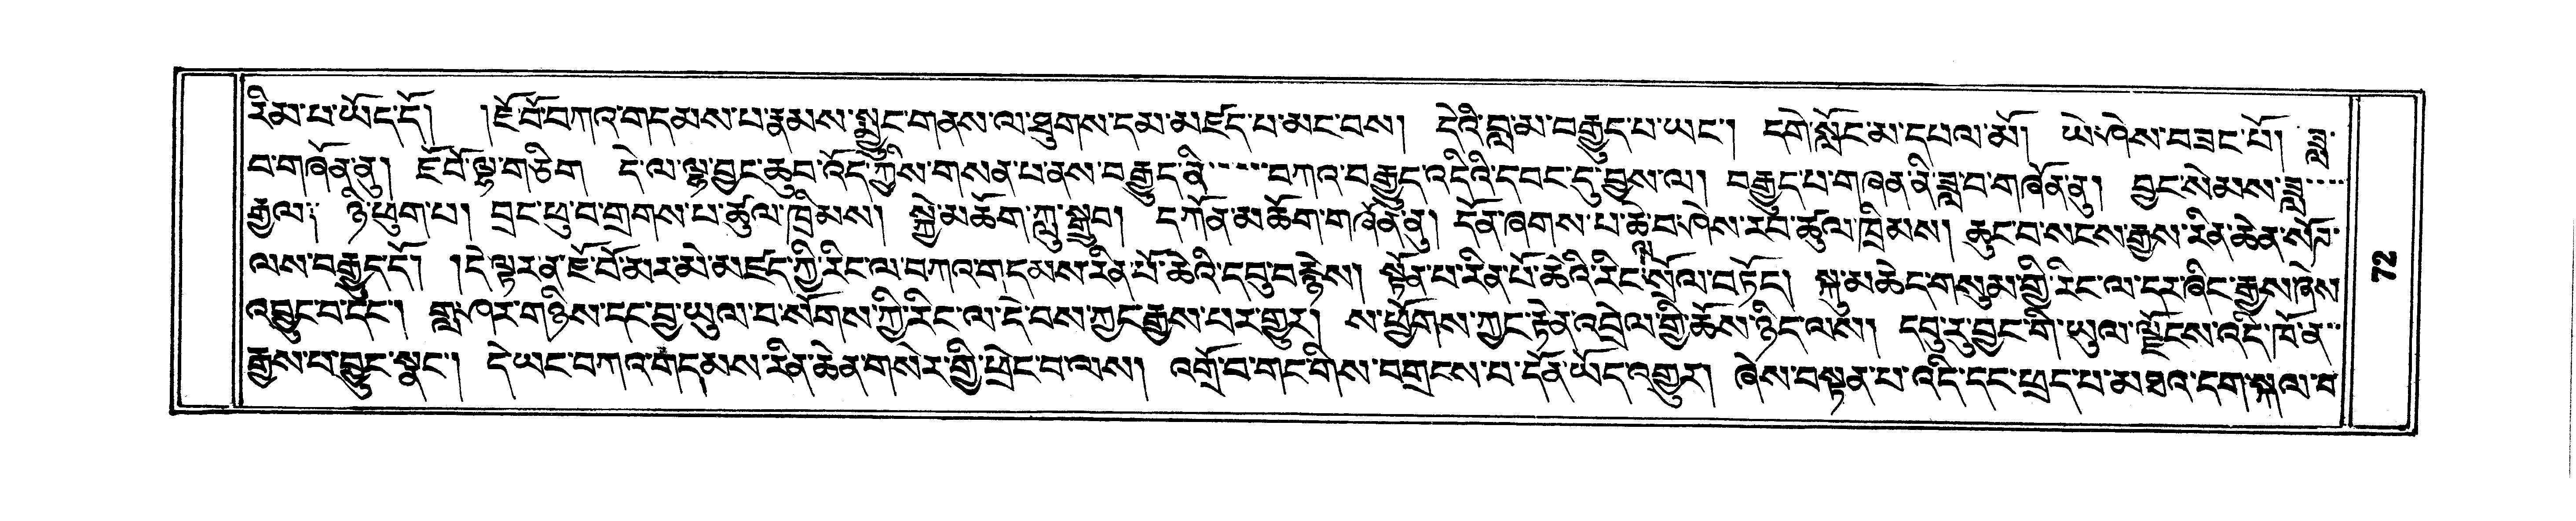རིམ་པ་ཡོད་དོ། །ཇོ་བོ་བཀའ་གདམས་པ་རྣམས་སྨྱུང་གནས་ལ་ཐུགས་དམ་མཛད་པ་མང་བས། དེའི་བླ་མ་བརྒྱུད་པ་ཡང་། དགེ་སློང་མ་དཔལ་མོ། ཡེ་ཤེས་བཟང་པོ། ཟླ་
བ་གཞོན་ནུ། ཇོ་བོ་ལྷ་གཅིག་དེ་ལ་ལྷ་བྱང་ཆུབ་འོད་ཀྱིས་གསན་པ་ནས་བརྒྱུད་ནི་བཀའ་བརྒྱུད་འདིའི་དབང་དུ་བྱས་ལ། བརྒྱུད་པ་གཞན་ནི་ཟླ་བ་གཞོན་ནུ། བྱང་སེམས་ཟླ་
རྒྱལ༑ ཉི་ཕུག་པ། བྲང་ཕུ་བ་གྲགས་པ་ཚུལ་ཁྲིམས། སྐྱེ་མཆོག་ཀླུ་སྒྲུབ། དཀོན་མཆོག་གཞོན་ནུ། དོན་ཞགས་པ་ཆེལ་བ་ཤེས་རབ་ཚུལ་ཁྲིམས། ཆུང་བ་སངས་རྒྱས་རིན་ཆེན་སོཊ་
ལས་བརྒྱུད་དོ། །དེ་ལྟར་ན་ཇོ་བོ་མར་མེ་མཛད་ཀྱི་རིང་ལ་བཀའ་གདམས་རིན་པོ་ཆེའི་དབུ་བརྙེས། སྟོན་པ་རིན་པོ་ཆེའི་རིང་སྲོལ་བཏོང་། སྐུ་མཆེད་གསུམ་གྱི་རིང་ལ་དར་ཞིང་རྒྱས་ཞེས་
འབྱུང་བ་དང་། གླ་ཤར་གཉིས་དང་བྱ་ཡུལ་བ་སོགས་ཀྱི་རིང་ལ་དེ་བས་ཀྱང་རྒྱས་པར་གྱུར། ས་ཕྱོགས་ཀྱང་རྟེན་འབྲེལ་གྱི་ཆོས་ཉིད་ལས། དབུ་རུ་བྱང་གི་ཡུལ་ལྗོངས་འདི་ཁོ་ན་
རྒྱས་པ་བྱུང་སྣང་། དེ་ཡང་བཀའ་གདམས་རིན་ཆེན་གསེར་གྱི་ཕྲེང་བ་ལས། འགྲོ་བ་གང་གིས་བགྲངས་པ་དོན་ཡོད་འགྱུར། ཞེས་བསྟན་པ་འདི་དང་ཕྲད་པ་མཐའ་དག་སྐལ་བ་